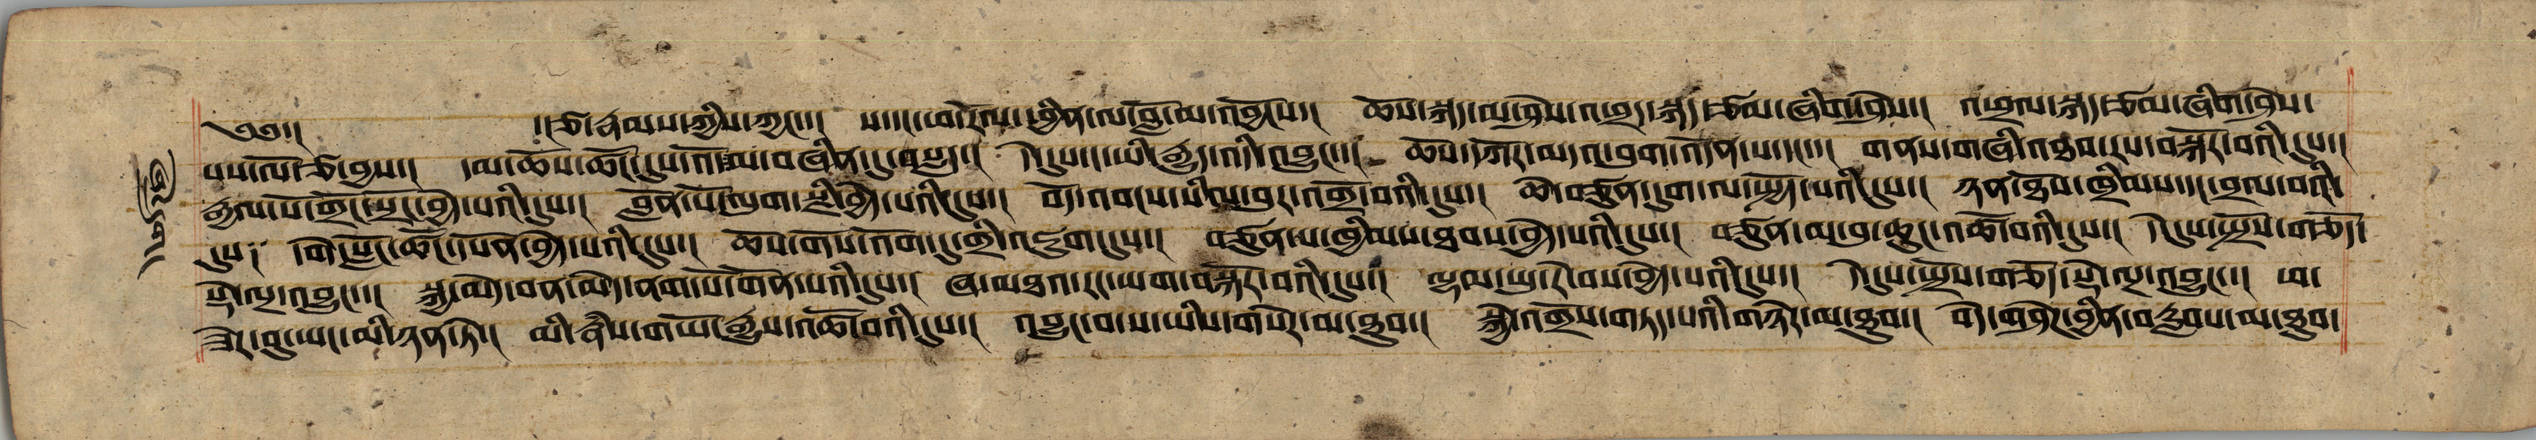༄༅་། ་།ཙ་རྣམས་ཀྱིས་ཀྱང་་། ས་དང་ཕ་རོལ་ཕྱིན་ལ་བློ་མ་འབྱོངས་། ཆོས་སྐད་མ་ཤེས་འཕྲད་སྐད་ཙམ་ཞིག་ཤེས་། འཕྲལ་སྐད་ཙམ་ཞིག་ཤེས་
པས་ལོ་ཙ་བྱས་། དམ་ཆོས་ཚོང་དུས་འོ་མ་བཞིན་དུ་བསླད་། དེ་དུས་ང་ཡི་རྒྱུད་འདི་འབྱུང་་། ཆོས་དཀར་མདའ་བུག་འདོན་པ་དང་་། གནས་གཞི་འཐབ་རས་བསྐོར་བའི་དུས་།
རྒྱལ་པོ་གྲོང་སྲོང་བྱེད་པའི་དུས་། བློན་པོ་ལུག་སྫི་བྱེད་པའི་དུས་། བོད་འབངས་སིལ་བུར་འགྲོ་བའི་དུས་། ཆེ་བཙུན་དུག་ལ་སྤྱོད་པའི་དུས་། ཉན་ཐོས་ཁྲིམས་དང་བྲལ་བའི་
དུས༑ དགེ་སློང་ཚོང་དཔོན་བྱེད་པའི་དུས་། ཆོས་གོས་འོག་དུ་གྲི་འཇུག་དུས་། བཙུན་པ་ཁྱིམས་ཐབས་བྱེད་པའི་དུས་། བཙུན་མ་བུ་ཆུང་འཚོ་བའི་དུས་། དེ་དུས་སྤྲོས་གཅོད་
སྡེ་ལྔ་འབྱུང་་། སྐྱ་མེད་བན་མེད་ནག་པོ་གོན་པའི་དུས་། ཞ་མཐའ་རང་ཡག་བསྐོར་བའི་དུས་། ལྷམ་ཡུ་རེ་བས་བྱེད་པའི་དུས་། དེ་དུས་སྤྲོས་གཅོད་སྡེ་ལྔ་འབྱུང་། ཕ་
ཟེར་བུ་ཡང་མི་ཉན་ཏེ་། མི་རྣཾས་གཡོ་རྒྱུས་འཚོ་བའི་དུས་། འབྱུང་བ་ས་ཡིས་གསེར་མ་ཐུབ་། སྐྱེ་འགྲོས་གཏད་པའི་གཉེར་མ་ཐུབ་། བདེ་གཤེཌ་བྱིན་བརླབས་མ་ཐུབ་